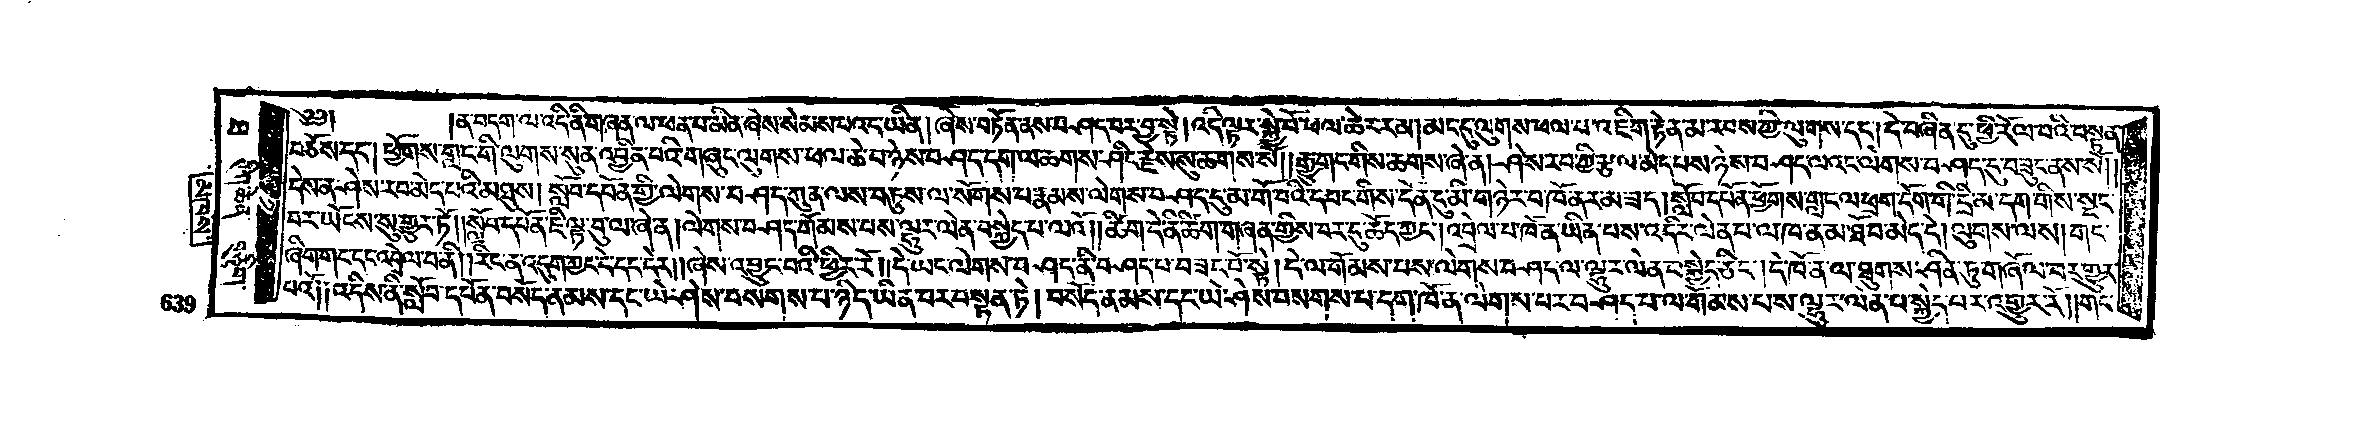༄༅། །ན་བདག་ལ་འདི་ནི་གཞན་ལ་ཕན་པ་མིན་ཞེས་སེམས་པའང་ཡིན། ཞེས་བཏོན་ནས་བཤད་པར་བྱ་སྟེ། འདི་ལྟར་སྐྱེ་བོ་ཕལ་ཆེར་རབ། མང་དུ་ལུགས་ཕལ་པ་འཇིག་རྟེན་མ་རབས་ཀྱི་ལུགས་དང་། དེ་བཞིན་དུ་ཕྱི་རོལ་བའི་བསྟན་
བཅོས་དང་། ཕྱོགས་གླང་གི་ལུགས་སུན་འབྱིན་པའི་གཞུང་ལུགས་ཕལ་ཆེ་བ་ཉེས་བཤད་དག་ལ་ཆགས་ཤིང་རྗེས་སུ་ཆགས་སོ། །རྒྱུ་གང་གིས་ཆགས་ཞེ་ན། ཤེས་རབ་ཀྱི་རྩལ་མེད་པས་ཉེས་བཤད་ལའང་ལེགས་བཤད་དུ་བཟུང་ནས་སོ།།
དེས་ན་ཤེས་རབ་མེད་པའི་མཐུས། སློབ་དཔོན་གྱི་ལེགས་བཤད་ཀུན་ལས་བཏུས་ལ་སོགས་པ་རྣམས་ལེགས་བཤད་དུ་མ་གོ་བའི་དབང་གིས་དོན་དུ་མི་གཉེར་བ་ཁོ་ནར་མ་ཟད། སློབ་དཔོན་ཕྱོགས་གླང་ལ་ཕྲག་དོག་གི་དྲི་མ་དག་གིས་སྡང་
བར་ཡོངས་སུ་གྱུར་ཏོ། །སློབ་དཔོན་ཇི་ལྟ་བུ་ལ་ཞེ་ན། ལེགས་བཤད་གོམས་པས་ལྷུར་ལེན་བསྐྱེད་པ་ལའོ། །ཚིག་དེ་ནི་ཚིག་གཞན་གྱིས་བར་དུ་ཆོད་ཀྱང་། འབྲེལ་པ་ཁོ་ན་ཡིན་པས་འདིར་ལེན་པ་ལ་ཁ་ན་མ་ཐོབ་མེད་དེ། ལུགས་ལས། གང་
ཞིག་གང་དང་འབྲེལ་བ་ནི། །རིང་ན་འདུག་ཀྱང་དེ་དང་དེར། །ཞེས་འབྱུང་པའི་ཕྱིར་རོ། །དེ་ཡང་ལེགས་བཤད་ནི་བཤད་པ་བཟང་པོ་སྟེ། དེ་ལ་གོམས་པས་ལེགས་བཤད་ལ་ལྷུར་ལེན་བསྐྱེད་ཅིང་། དེ་ཁོ་ན་ལ་ཐུགས་ཤིན་ཏུ་གཞོལ་བར་གྱུར་
བའོ། །འདིས་ནི་སློབ་དཔོན་བསོད་ནམས་དང་ཡེ་ཤེས་བསགས་པ་ཉིད་ཡིན་པར་བསྟན་ཏེ། བསོད་ནམས་དང་ཡེ་ཤེས་བསགས་པ་དག་ཁོ་ན་ལེགས་པར་བཤད་པ་ལ་གོམས་པས་ལྷུར་ལེན་པ་སྐྱེད་པར་འགྱུར་རོ། །གང་